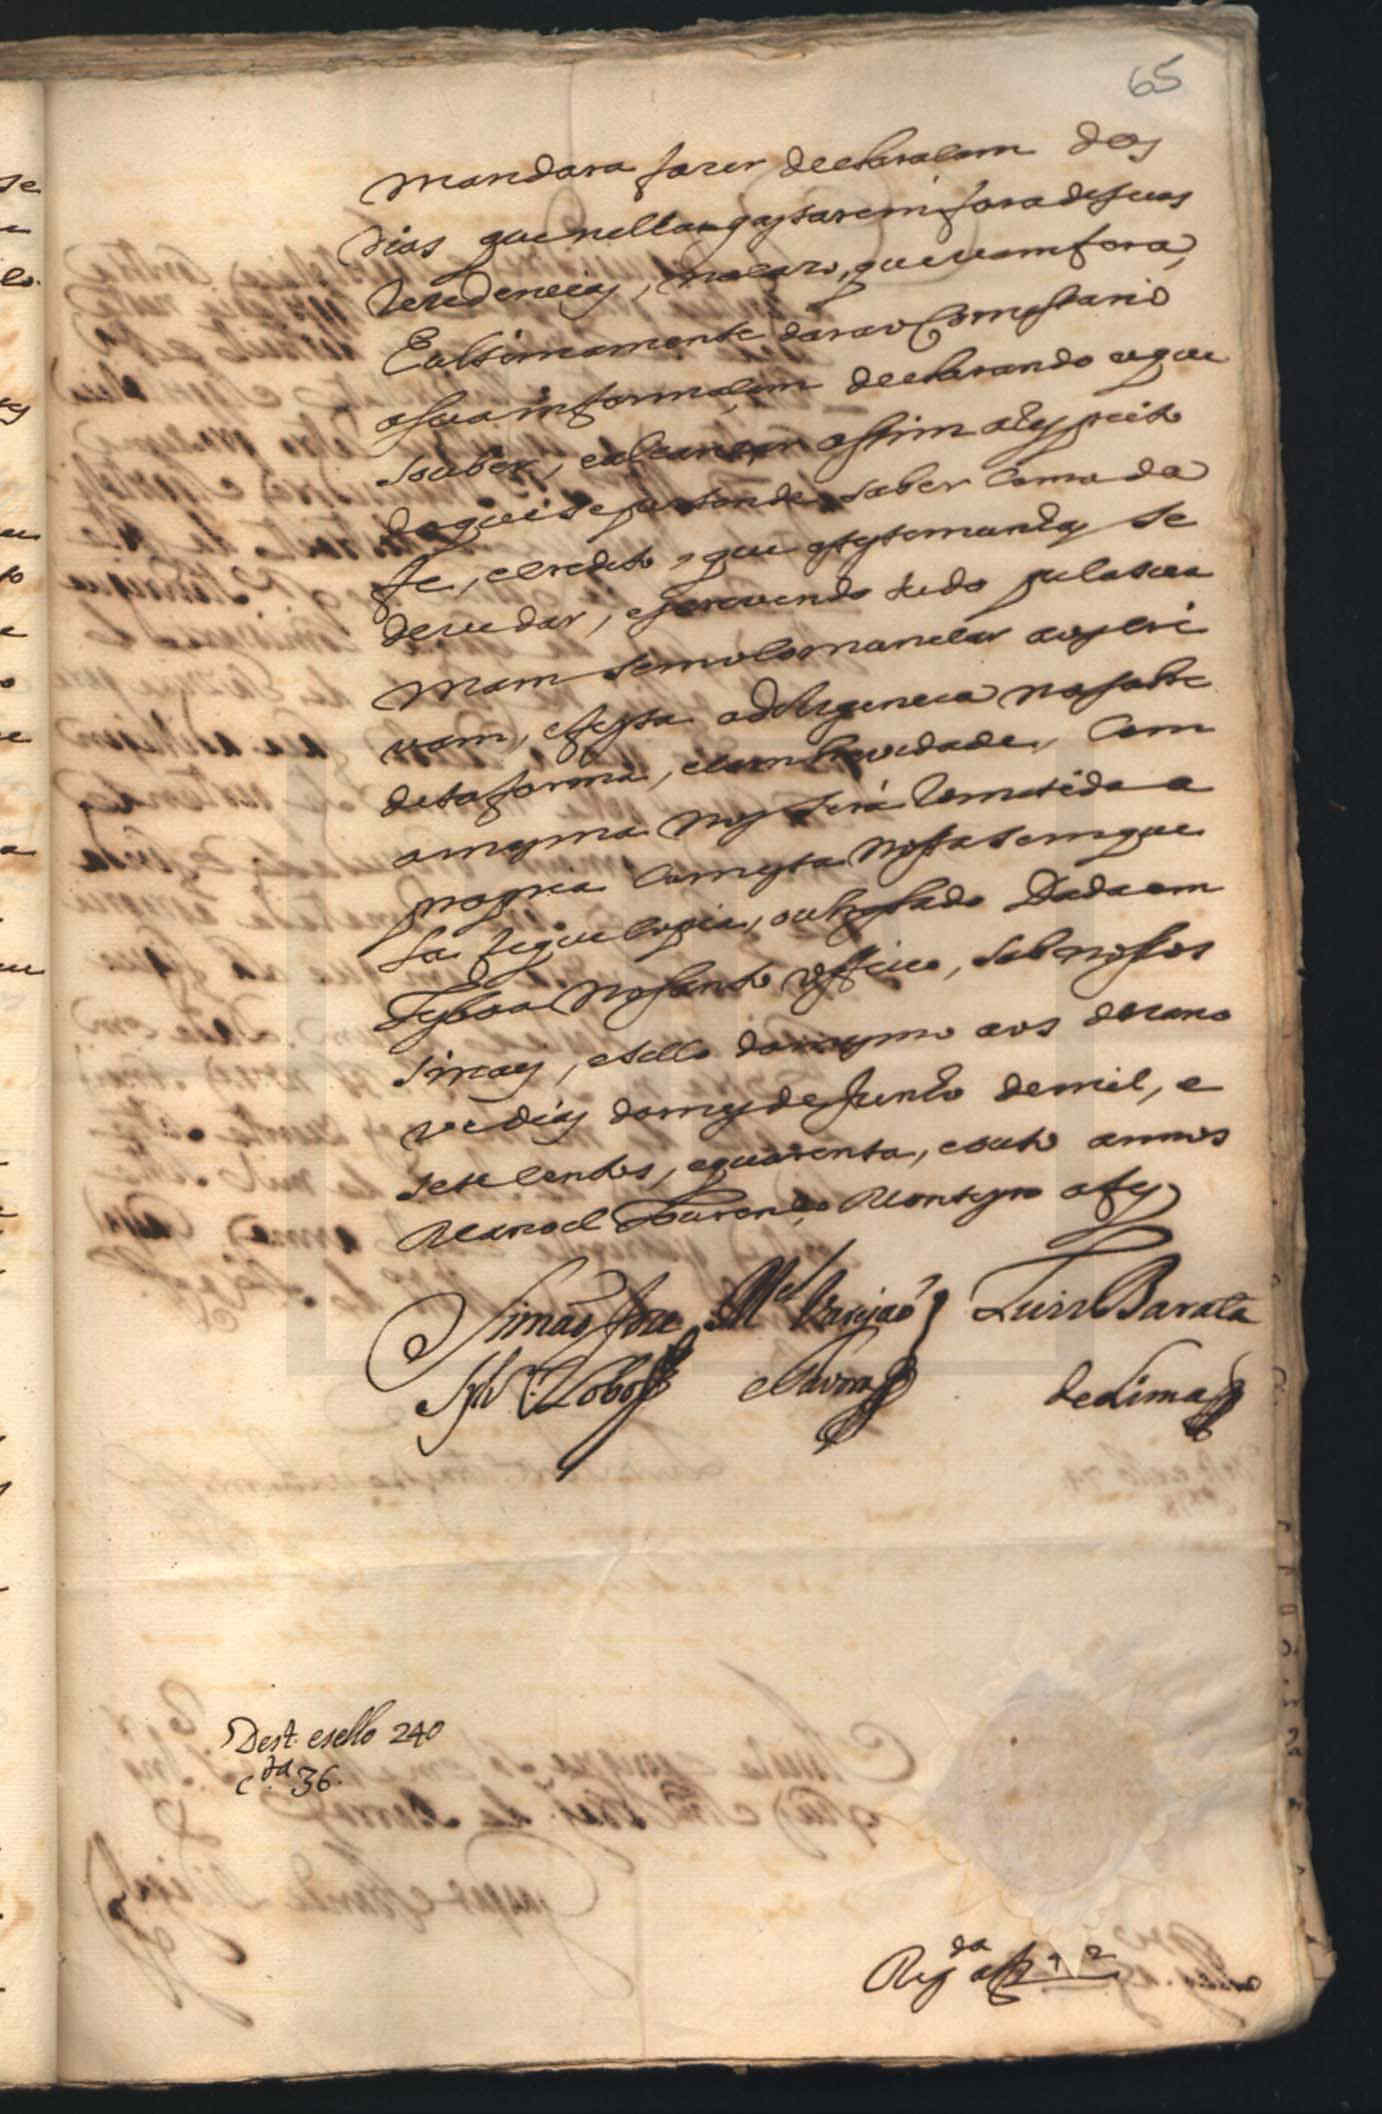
mandara fazer declaraçam dos
dias que nellas gastarem fora de suas
Rezedencias, no cazo, que vam fora,
E ultimamente dar ao Comessario
a sua informaçam declarando o que
souber, e alcançar assim a Respeito
do que se pertende saber com a da
fe, e credito, que as testemunhas se
deve dar, escrevendo tudo pela sua
mam sem o comonicar ao scri
vam, e feyta a diligencia na sobre
dita forma, e com brevedade, com
a mesma nos será Remetida a
propria com esta nossa sem que
la fique copia, ou treslado Dada em
Lisboa no santo officio, sob nossos
sinaes, e sello do mesmo aos dezano
ve dias do mes de Junho de mil, e
setecentos, e quarenta, e outo annos
Manoel Lourenço Monteyro a fes
Simaõ Joze M.el Varejaõ Luiz Barata
Sylvrꝭ. Lobo e Tavora
de Lima
Dest. e sello 240.
c.ta 36.
Regda a fl
